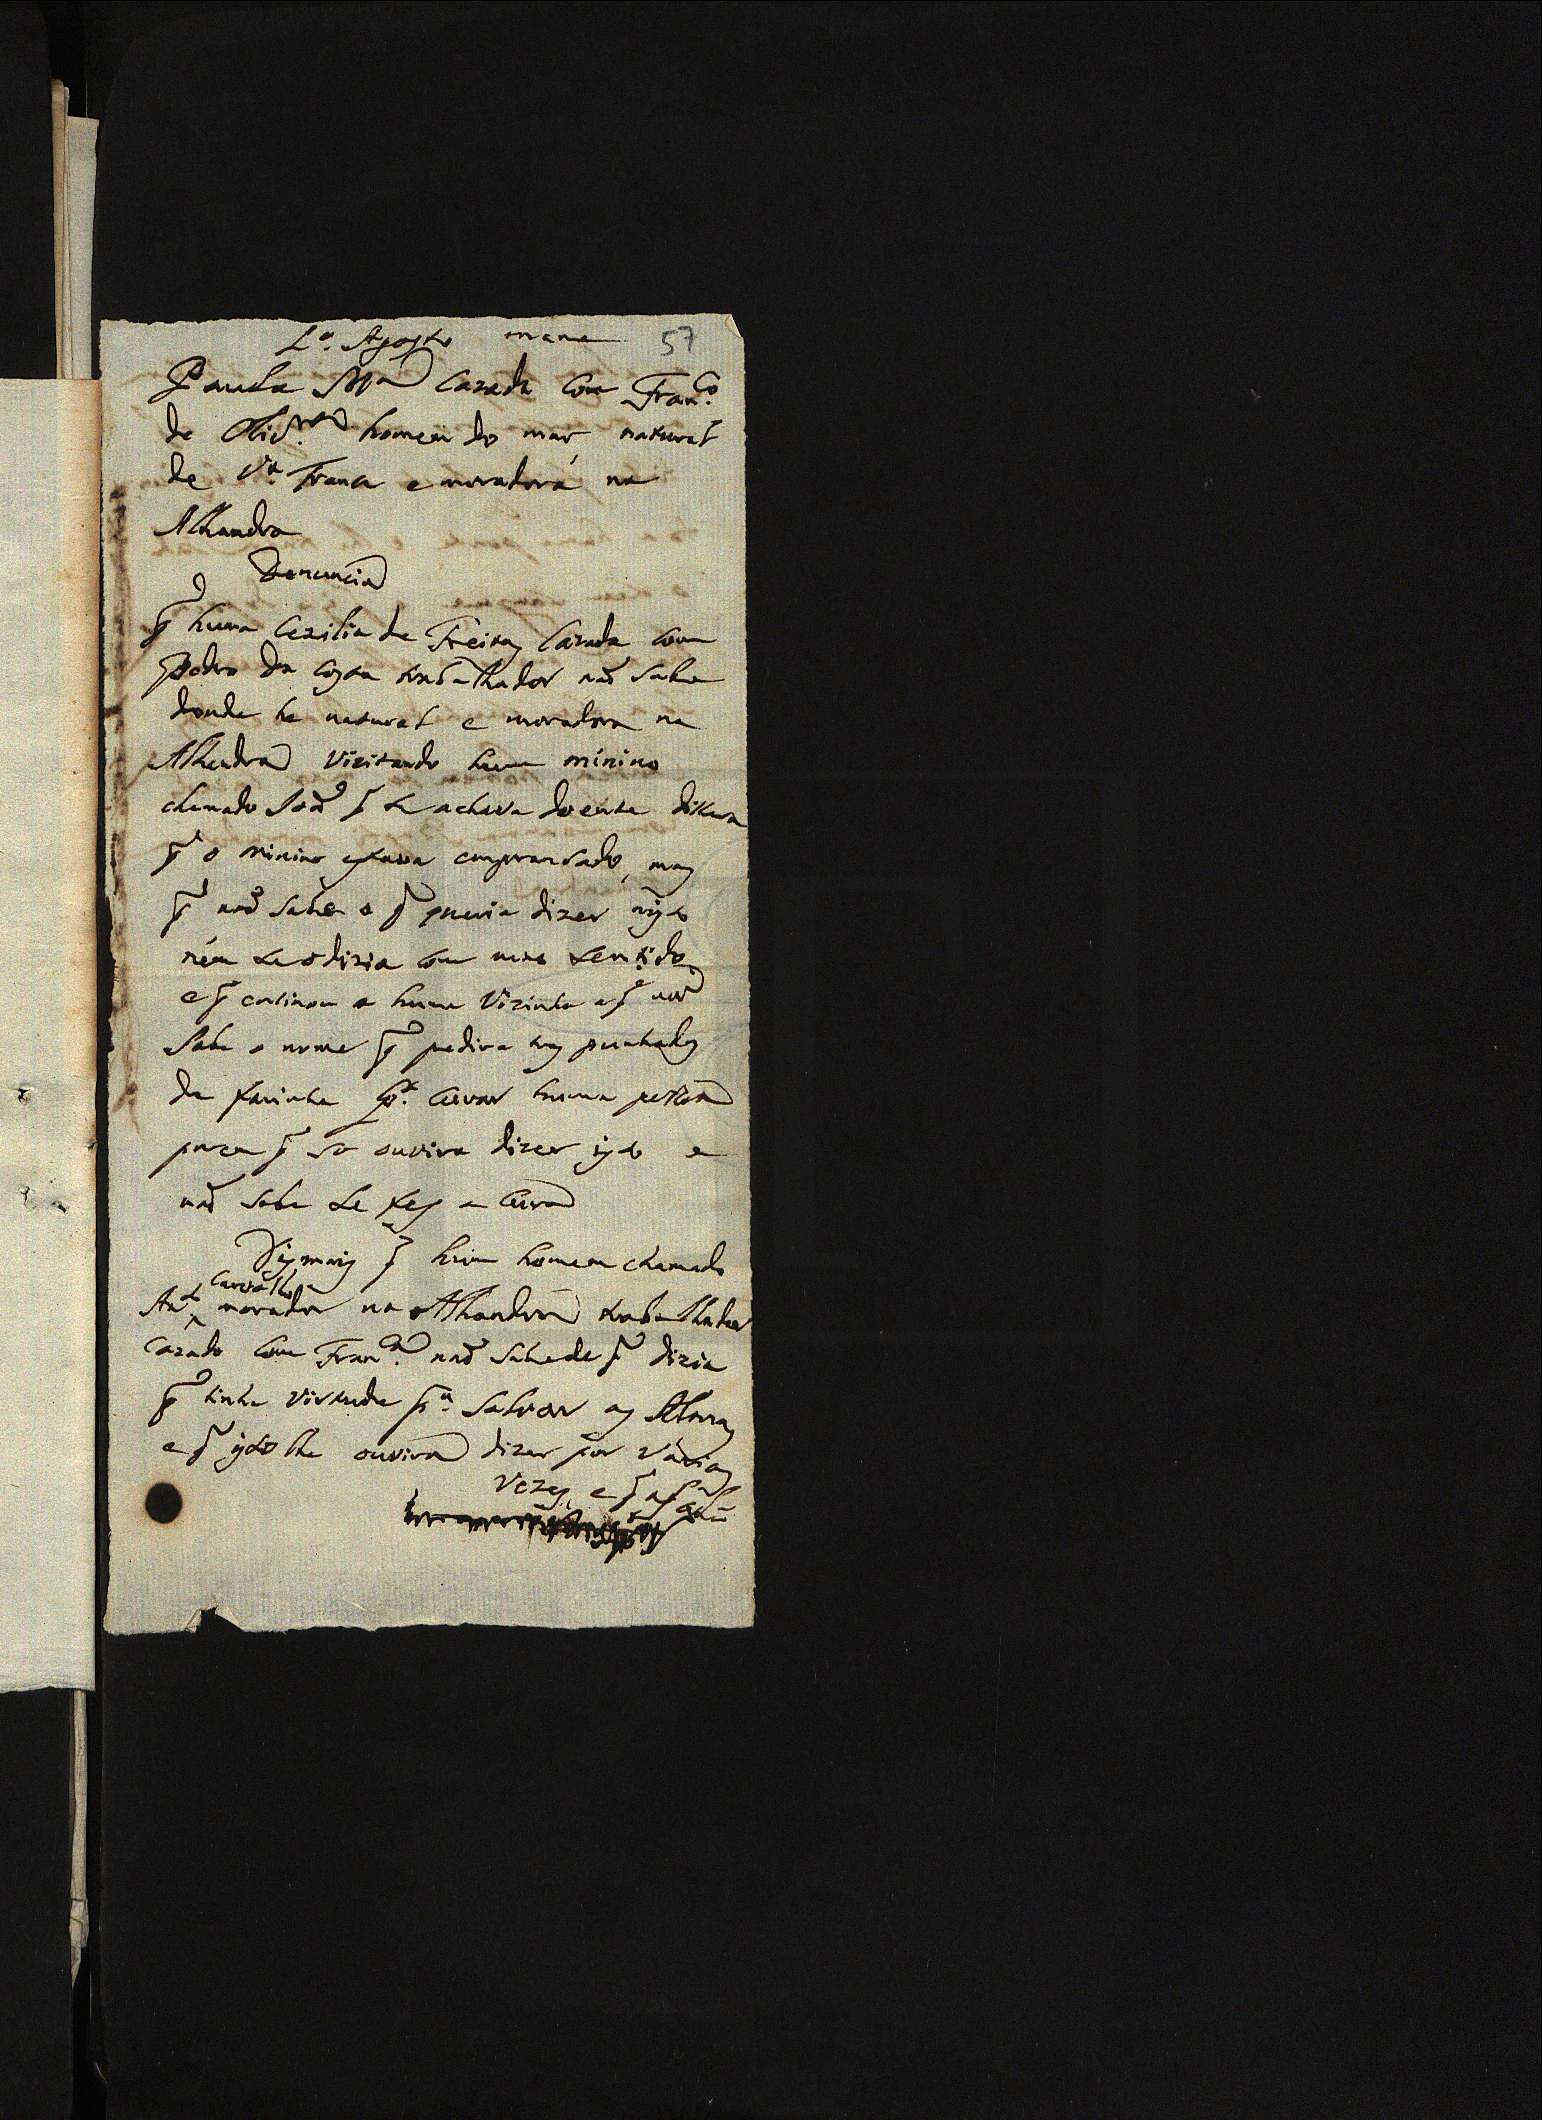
Lo. Agosto mana
Paula Ma cazada com Fran.co
de Oliv.ra homem do mar, natural
de V.a Franca e moradora na
Alhandra
Denuncia
q̄ huma Cezilia de Freitas Cazada com
Pedro da Costa trabalhador naõ sabe
donde he natural e moradora na
Alhandra vizitando hum minino
chamado Ioaõ q̄ se achava doente dissera
pa o minino estava emprensado, mas
p̄ o naõ saber o q̄ queria dizer nisto
nem se o dizia com mui sentido
e q̄ ensinou a huma Vizinha e q̄ naõ
sabe o nome q̄ pedira tres punhados
de farinha p.a curar huma pessoa
para q̄ se ouvira dizer isto e
naõ sabe se fes a Cura
Dis mais q̄ hum homem chamado
Carvalho
Anto morador na Alhandra trabalhador
cazado Com Fran.ca naõ sabe de q̄ dizia
po tinha virtude p.a salvar as Almas
e q̄ isto lhe ouvira dizer por Varias
vezes, e q̄ as aL
